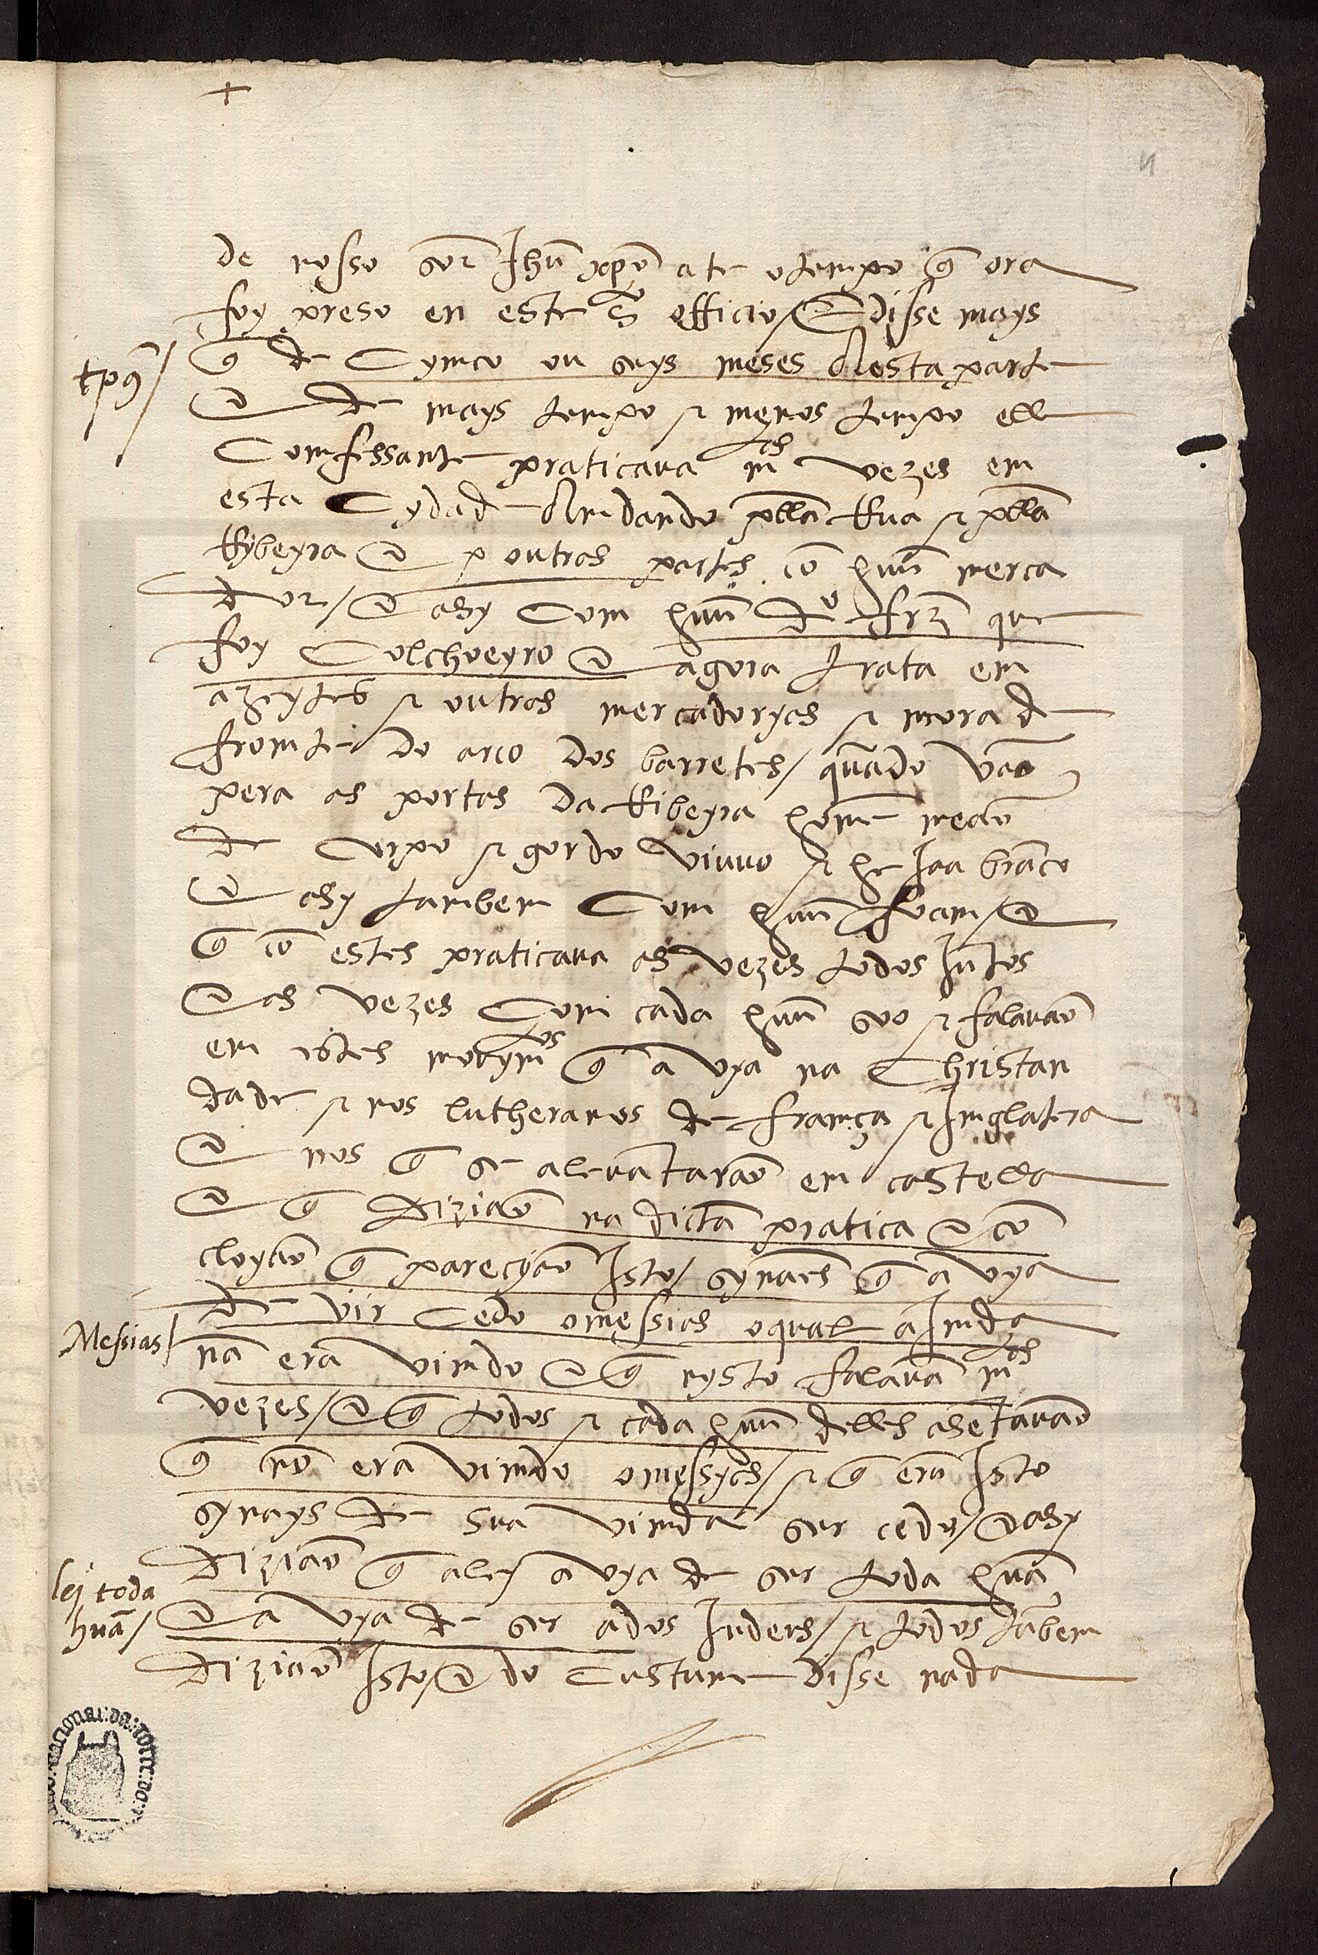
de nosso s̄or Jhū xp̄o ate o tempo q̄ ora
foy preso en este Sto officio / E disse mays
q̄ de Cymco ou seys meses A esta parte
e de mays tempo e menos tempo elle
Comfessante praticaua mtas vezes em
esta Cydade Amdando p̄lla Rua e p̄lla
Rybeyra e ꝑ outras partes cō huū merca
dor / E asy Com huū do frz que
foy Colchoeyro e agora trata em
azeytes e outras mercadoryas e mora de
fromte do arco dos barretes / qūado vāa
pera as portas da Ribeyra homē meaõ
de Corpo e gordo viuuo e he Jaa brāco
e asy tambem Com huū foam / e
q̄ c̄o estes praticaua as vezes todos Jūtos
e as vezes Com cada huū soo e falauaõ
em estes mouymtos q̄ avya na Christan
dade e nos lutheranos de framça e Jmglatera
e nos q̄ se aleuātarão em castella
e q̄ Diziaõ na dict̄a pratica e cō
cloyão q̄ parecyão Jsto / syn̄aes q̄ avya
de vir Cedo o messias o quaL aJmda
nā era vimdo e q̄ nysto falaūa mtas
vezes / e q̄ todos e cada huū delles asētauão
q̄ n̄o era vindo o messyas / e q̄ er̄a Jsto
synays de sua vimda ser cedo / e asy
dizião q̄ a ley avya de ser toda hūa
e avya de ser a dos Judeus / e todos tābem
dizião Jsto / e do custume disse nada
